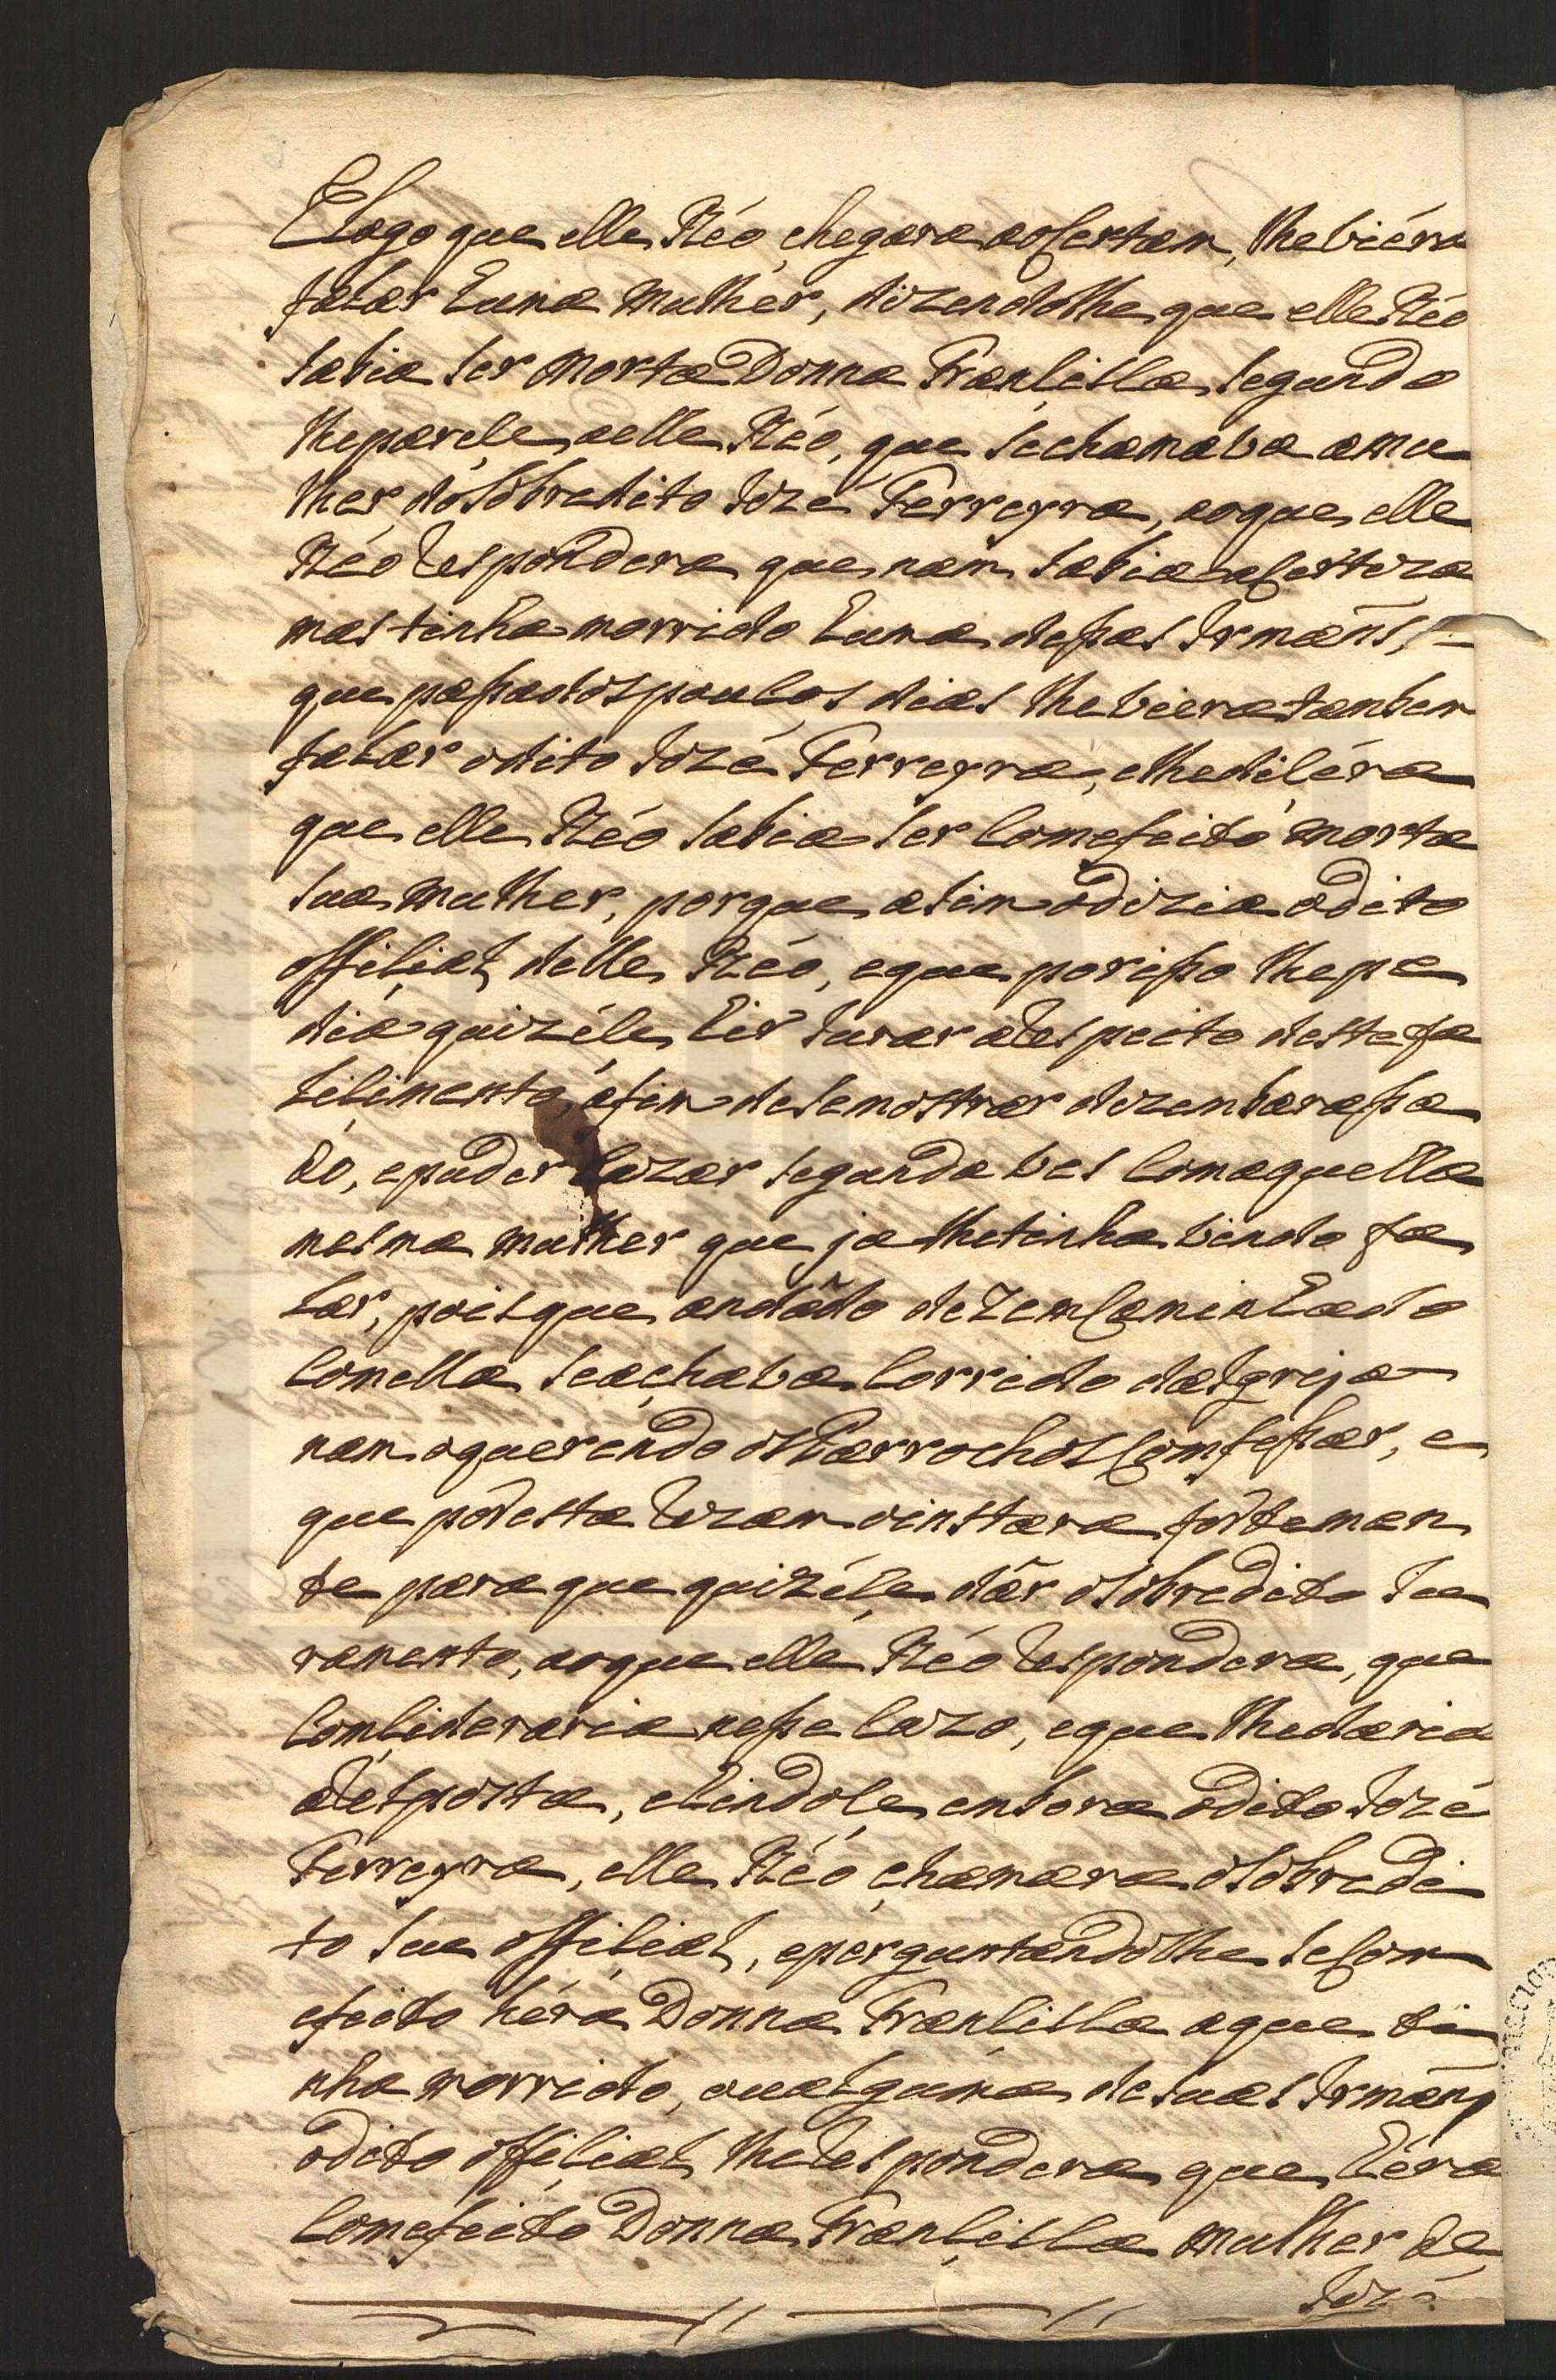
E Logo que elle Réo çhegara ao Certam, lhe viéra
falar huma mulher, dizendolhe que elle Réo
sabia ser morta Donna FranÇisCa segundo
lhe pareÇe a elle Réo, que se chamava a mu
lher do sobredito Iozé Ferreyra, ao que elle
Réo Respondera que nam sabia a Certeza
mas tinha morrido huma dessas Irman̄s,
que passados pouCos dias lhe viera tambem
falar o dito Iozé Ferreyra, e lhe diÇéra
que elle Réo sabia ser Com efeito morta
sua mulher, porque asim o dizia o dito
offiÇial delle Réo, e que por isso lhe pe
dia quizéÇe hir Iurar a Respeito deste fa
LiÇimento, a fim de se mostrar dezembarassa
do, e puder Cazar segunda ves Com aquella
mesma mulher que ja lhe tinha vindo fa
lar, pois que andādo dezemCaminhado
Com ella se açhava Corrido da Igreja
nam a querendo os Parrochos Comfessar, e
que por esta Rezam o instara fortemen
te para que quizéÇe dâr o sobredito Iu
ramento, ao que elle Réo Respondera, que
ComÇideraria nesse Cazo, e que lhe daria
a Resposta, e hindoÇe embora o dito Iozé
Ferreyra, elle Réo çhamara o sobredi
to seu offiÇial, e perguntandolhe se Com
efeito héra Donna FranÇisCa a que ti
nha morrido, ou alguma de suas Irman̄s
o dito offiÇial lhe Respondera que héra
Com efeito Donna FranÇisCa mulher de
Iozé
